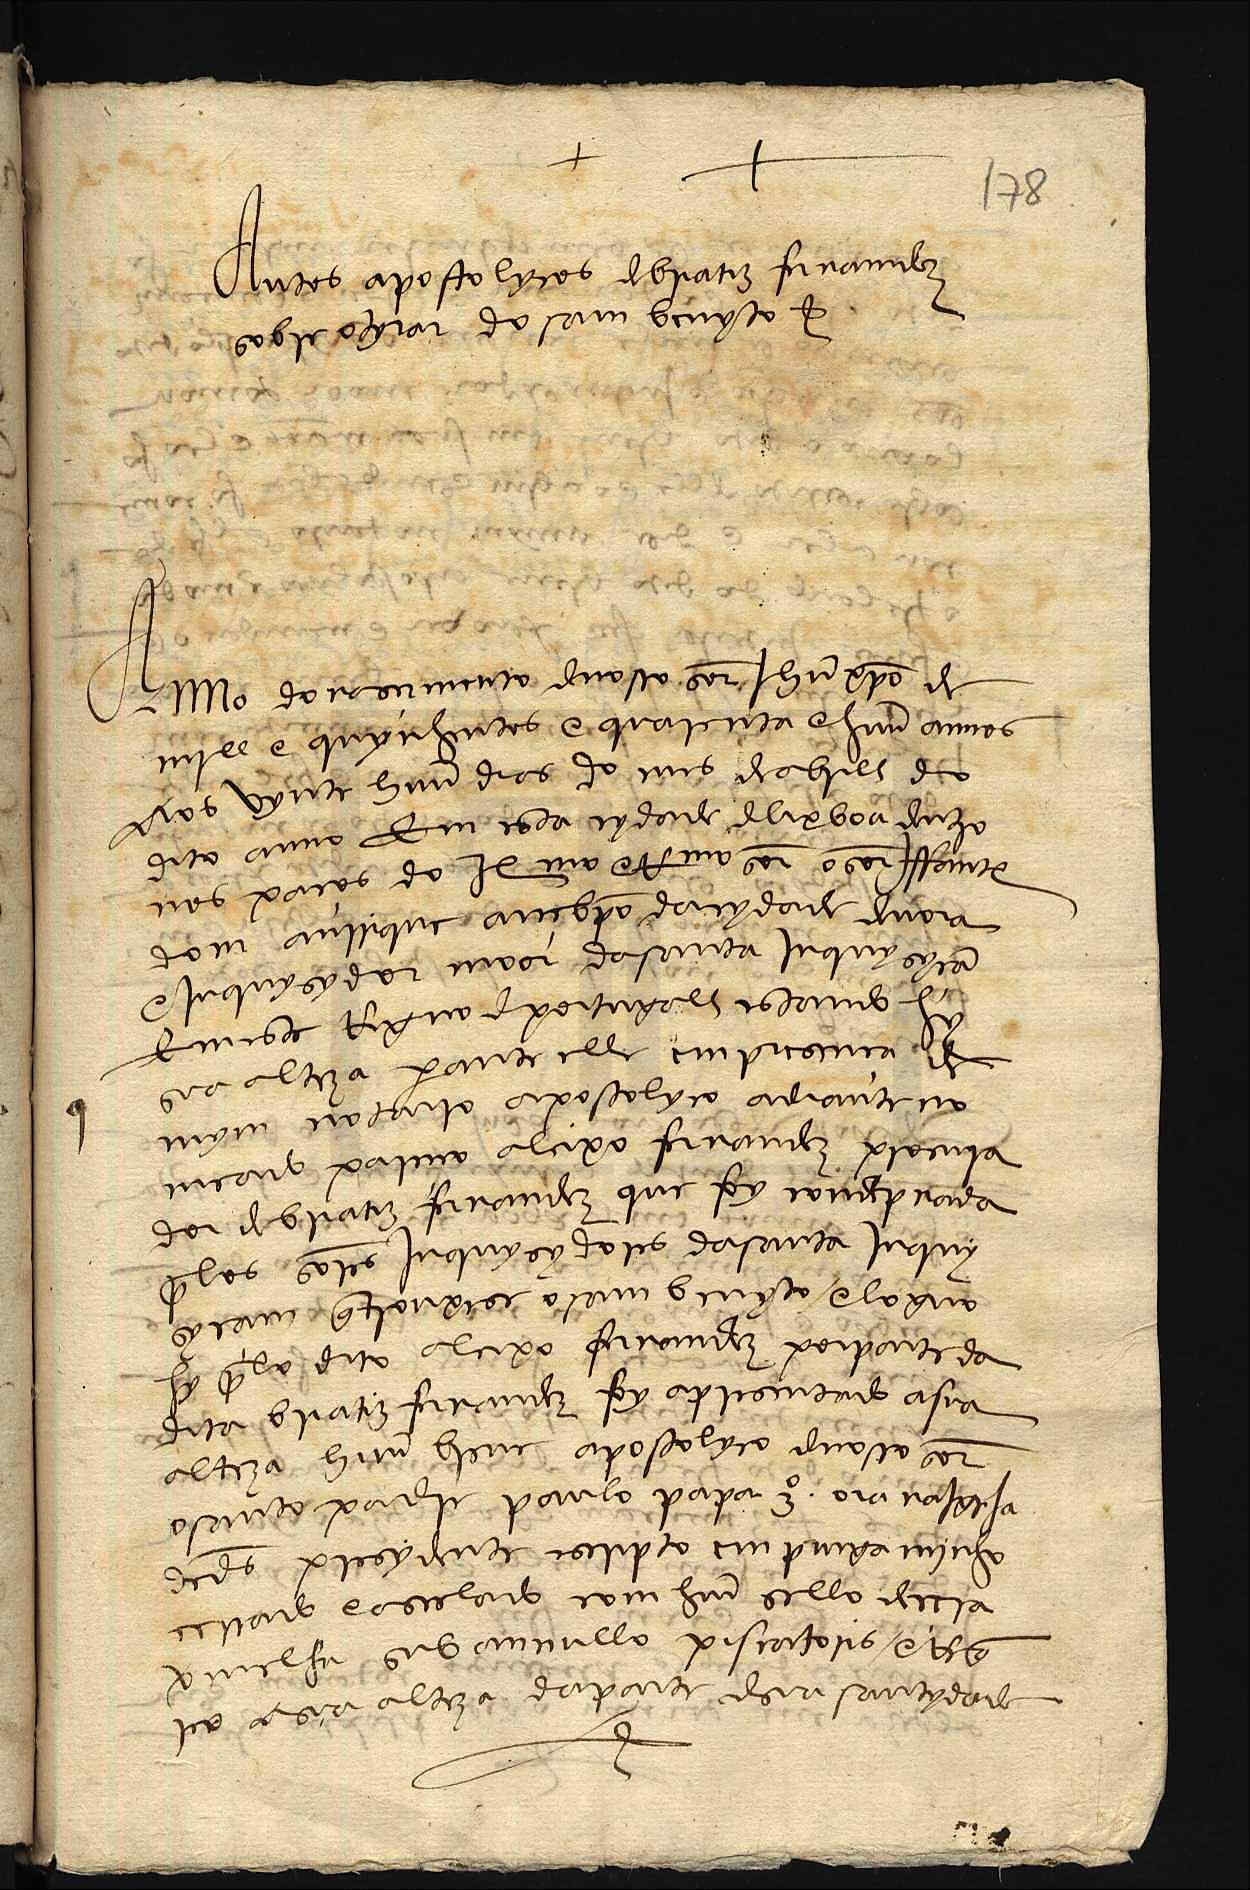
Autos apostolycos de briatiz fernamdez
sobre o tyrar do sam benyto
ANNo do nasçimento de nosso s̄or Jhū xp̄o de
mjll e quynhentos e quarenta e huū annos
Aos vynte huū dias do mes de abrill do
dito anno Em esta cydade de lixboa dentro
nos paços do Jlmo e Rmo s̄or o s̄or Jffante
dom anrrique arçebp̄o da cydade deuora
e Jnquysydor moor da santa Jnquysyçā
Em este Regno de portugall estamdo hy
sua alteza ꝑante elle em presença de
mym notarjo apostolyco adiante no
meado pareçeo aleixo fernandez procura
dor de briatiz fernandez que foy condepnada
p̄los s̄ores Jnquysydores da santa Jnquy
syçam q̄ trouxese o sam benyto / e loguo
hy p̄lo dito aleixo fernandez por parte da
dita briatiz fernandez foy apresentado a sua
alteza huū breue apostolyco de nosso s̄or
o santo padre paulo papa 3o. ora na JgreJa
de d̄s presydente escripto em purgamjnho
cerrado e aseelado com huū sello de çera
ꝟmelha sub annullo piscatoris / e Req̄
reo a sua alteza da parte de sua santydade
